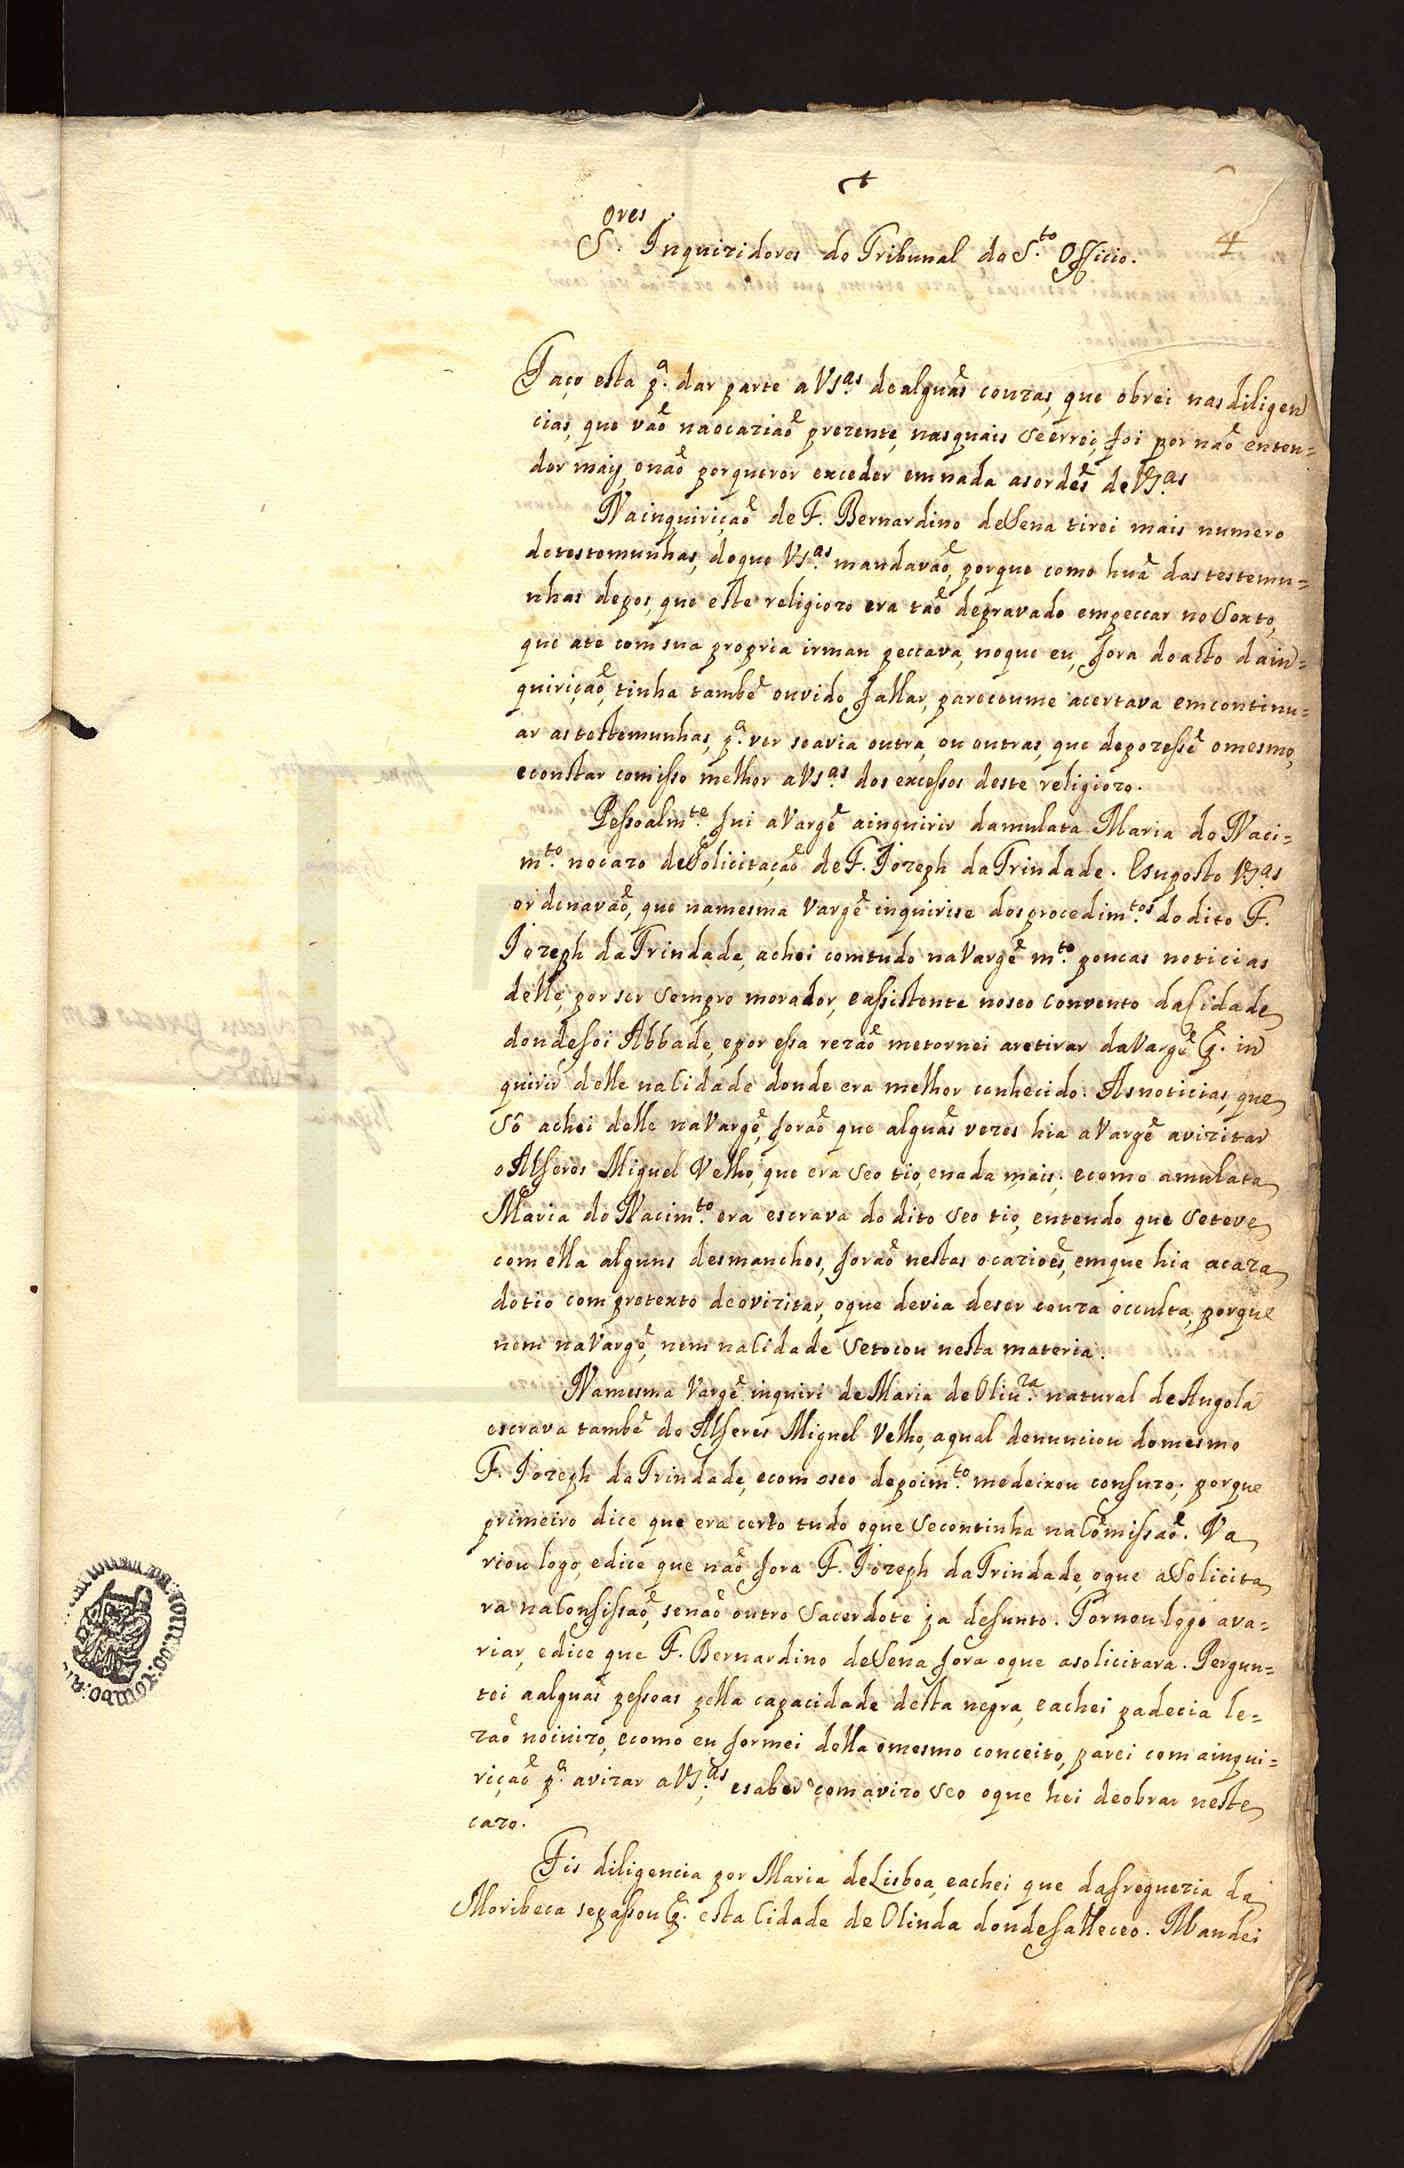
S.ores Inquizidores do Tribunal do S.to Officio.
Faço ella p.a dar parte a V S.as de alguās couzas, que obrei nas diligen
cias, que vaõ na ocaziaõ prezente, nas quais se errei, foi por naõ enten
der mais, o naõ por querer exceder em nada as ordēs de V S.as
Na inquiriçaõ de F. Bernardino de Sena tirei mais numero
de testemunhas, do que V S.as mandavaõ, porque como huā das testemu
nhas depos, que este religiozo era tão depravado em peccar no Sexto,
que ate com sua propria irman peccava, no que eu, fora do acto da in
quiriçaõ, tinha tambē ouvido fallar, pareceume acertava em continu
ar as testemunhas, p.a ver se avia outra ou outras, que depozessē o mesmo,
e constar com isso melhor a V S.as dos excessos deste religiozo.
Pessoalm.te fui a Vargē a inquirir da mulata Maria do Naci
m.to no cazo de Solicitação de F. Iozeph da Trindade. E suposto V. S.as
ordenavaõ, que na mesma Vargē inquirise dos procedim.tos do dito F.
Iozeph da Trindade, achei comtudo na Vargē m.to poucas noticias
delle, por ser sempre morador, e assistente no seo convento da Cidade
donde foi Abbade, e por essa rezaõ me tornei a retirar da Vargē p̄ in
quirir delle na Cidade donde era melhor conhecido. As noticias, que
só achei delle na Vargē, foraõ que alguās vezes hia a Vargē a vizitar
o Alferes Miguel Velho, que era seo tio, e nada mais; e como a mulata
Maria do Nacim.to era escrava do dito seo tio, entendo que se teve
com ella alguns desmanchos, foraõ nestas ocaziões, em que hia a caza
do tio com pretexto de o vizitar, o que devia de ser couza occulta, porque
nem na Vargē, nem na Cidade se tocou nesta materia.
Na mesma Vargē inquiri de Maria de Oliu.ra natural de Angola
escrava tambē do Alferes Miguel Velho, a qual denunciou do mesmo
F. Iozeph da Trindade, e com o seo depoim.to me deixou confuzo; porque
primeiro dice que era certo tudo o que se continha na Cōmissaõ. Va
riou logo, e dice que naõ fora F. Iozeph da Trindade, o que a Solicita
ra na Confissaõ, senaõ outro Sacerdote ja defunto. Tornou logo a va
riar, e dice que F. Bernardino de Sena fora o que a solicitara. Pergun
tei a alguās pessoas pella capacidade desta negra, e achei padecia le
zão no iuizo, e como eu formei della o mesmo conceito, parei com a inqui
riçaõ p.a avizar a V S.as e saber com avizo seo o que hei de obrar neste
cazo.
Fis diligencia por Maria de Lisboa, e achei que da freguezia de
Moribeca se passou p̄.a esta Cidade de Olinda donde falleceo. Mandei
